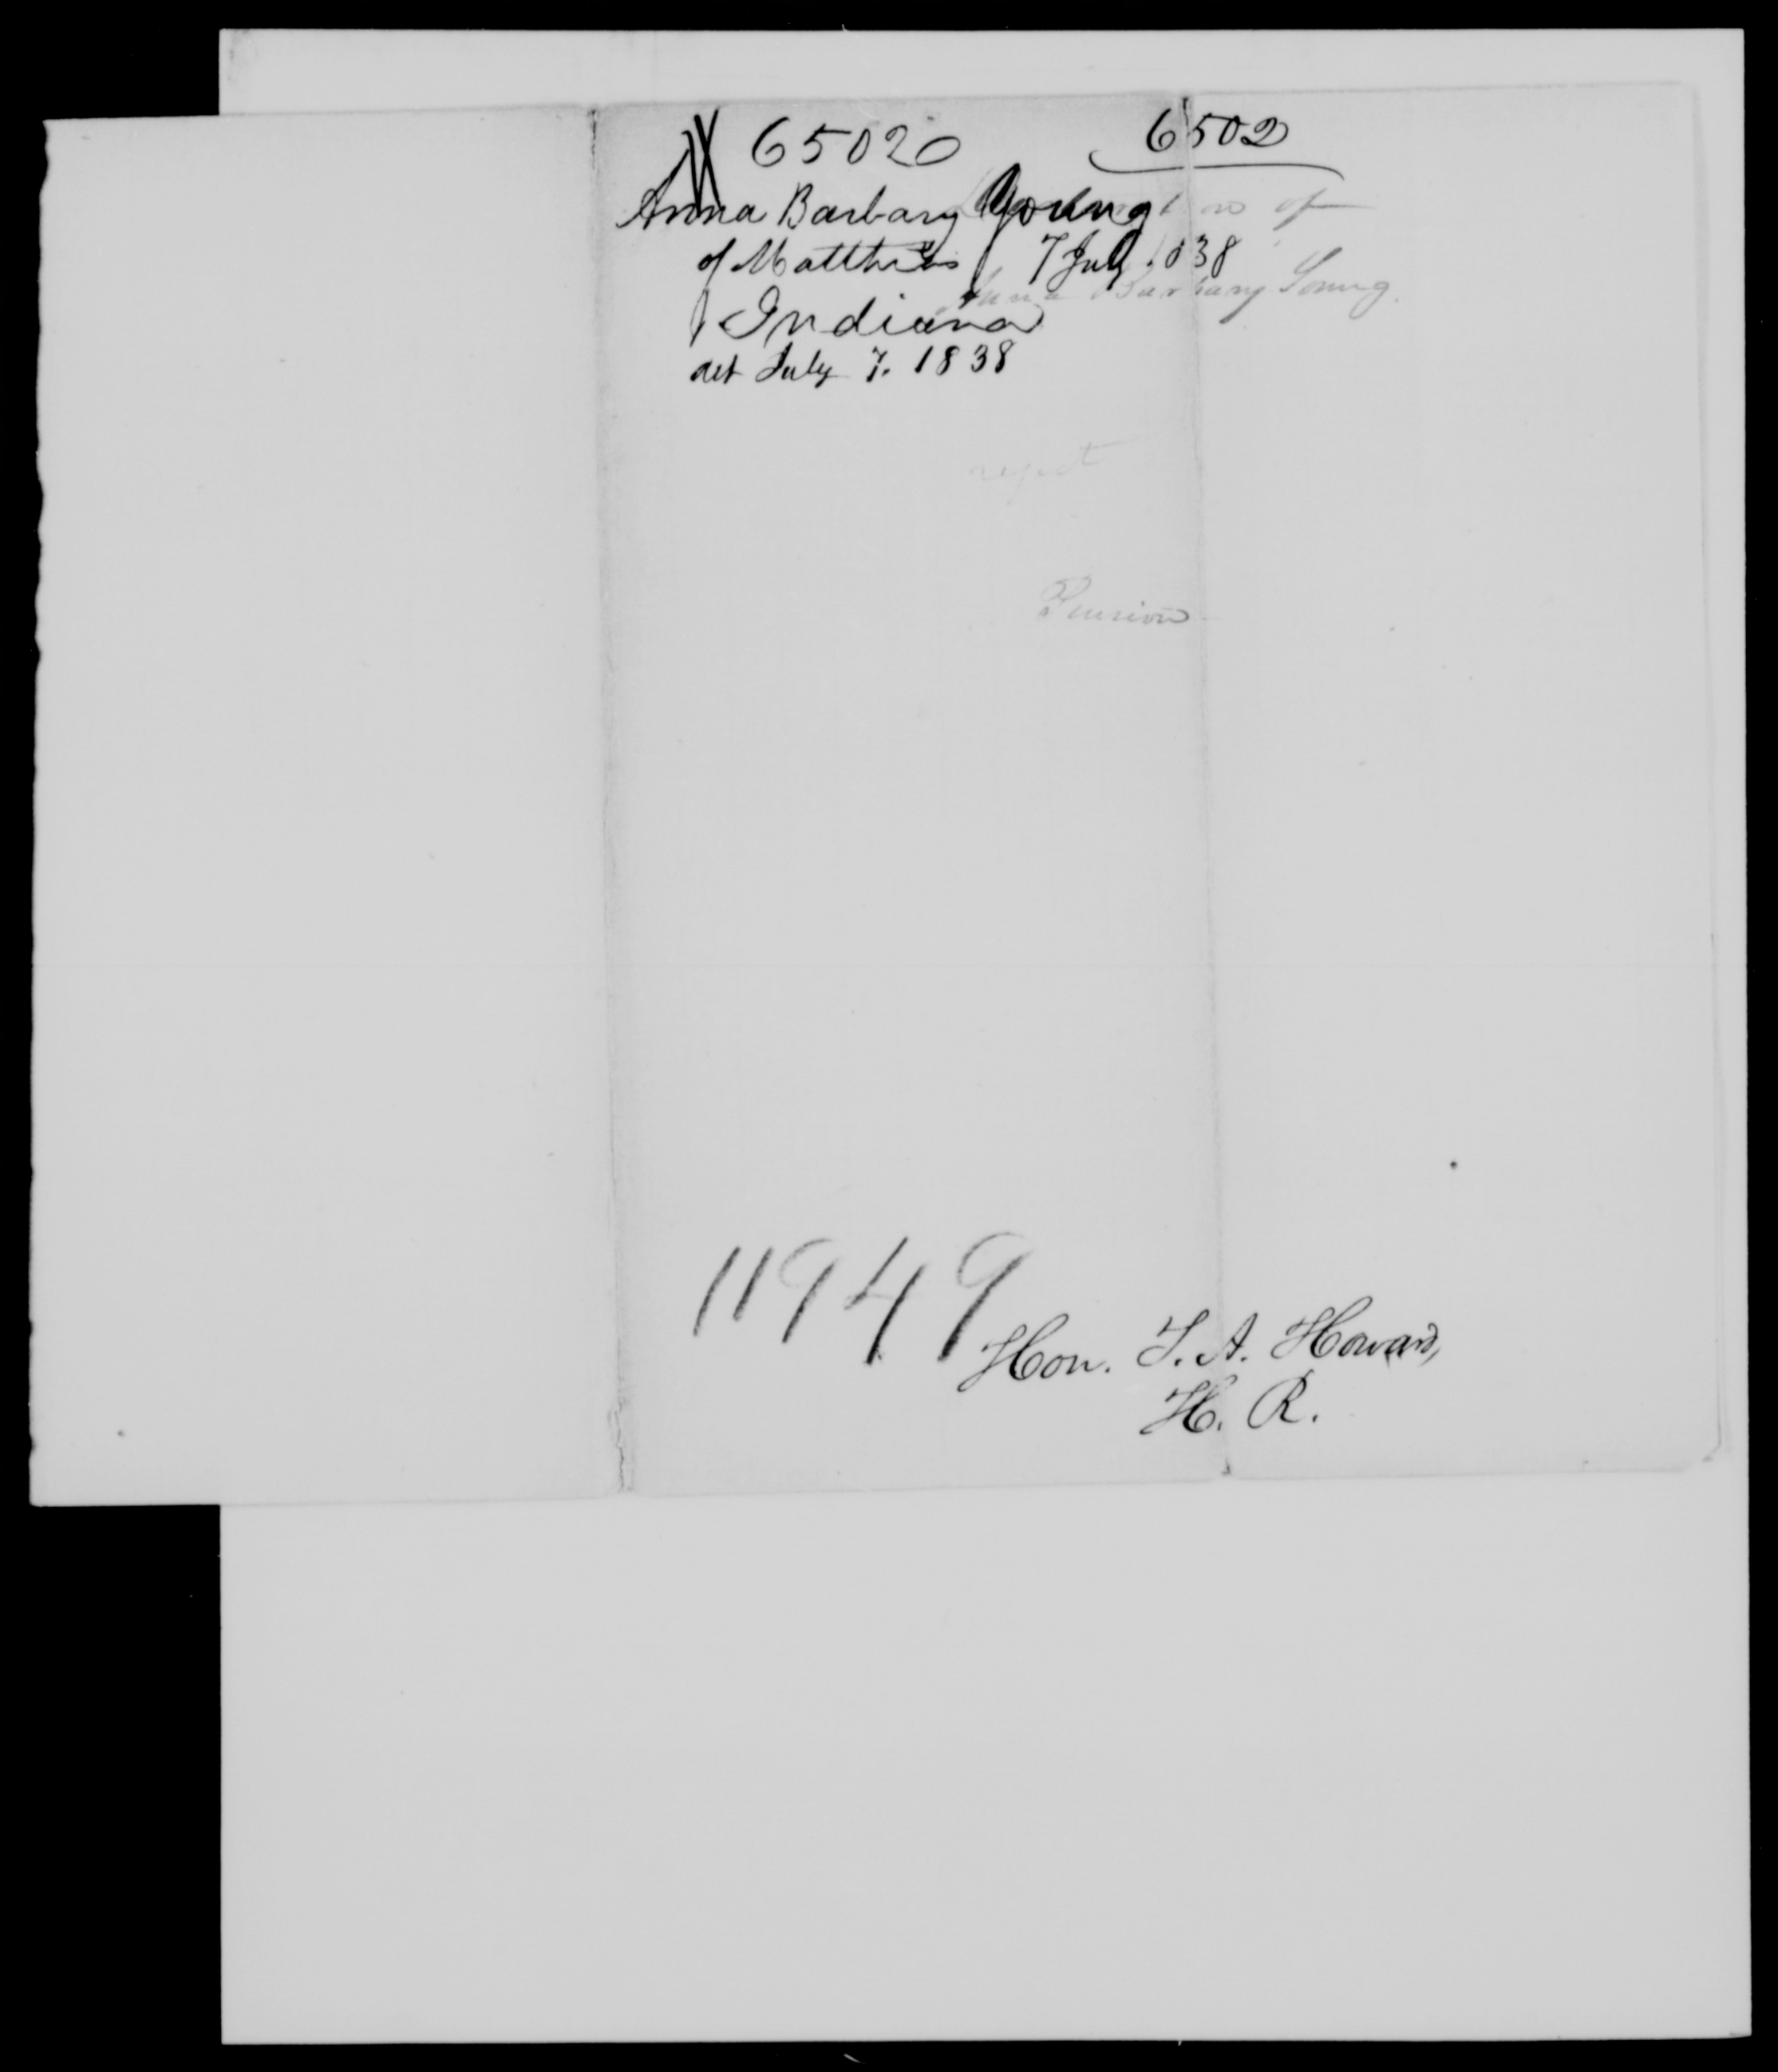65020
6502
Anna Barbara Young 
of Matthias 7 July 1838 
Indiana
act July 7. 1838
Pension
11949
Hon.
T. A. Howard, H R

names: Anna Barbary Young, T A Howard, Matthias Young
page: 12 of 123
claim: rejected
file: R. 11,949, Matthias Young, Md.